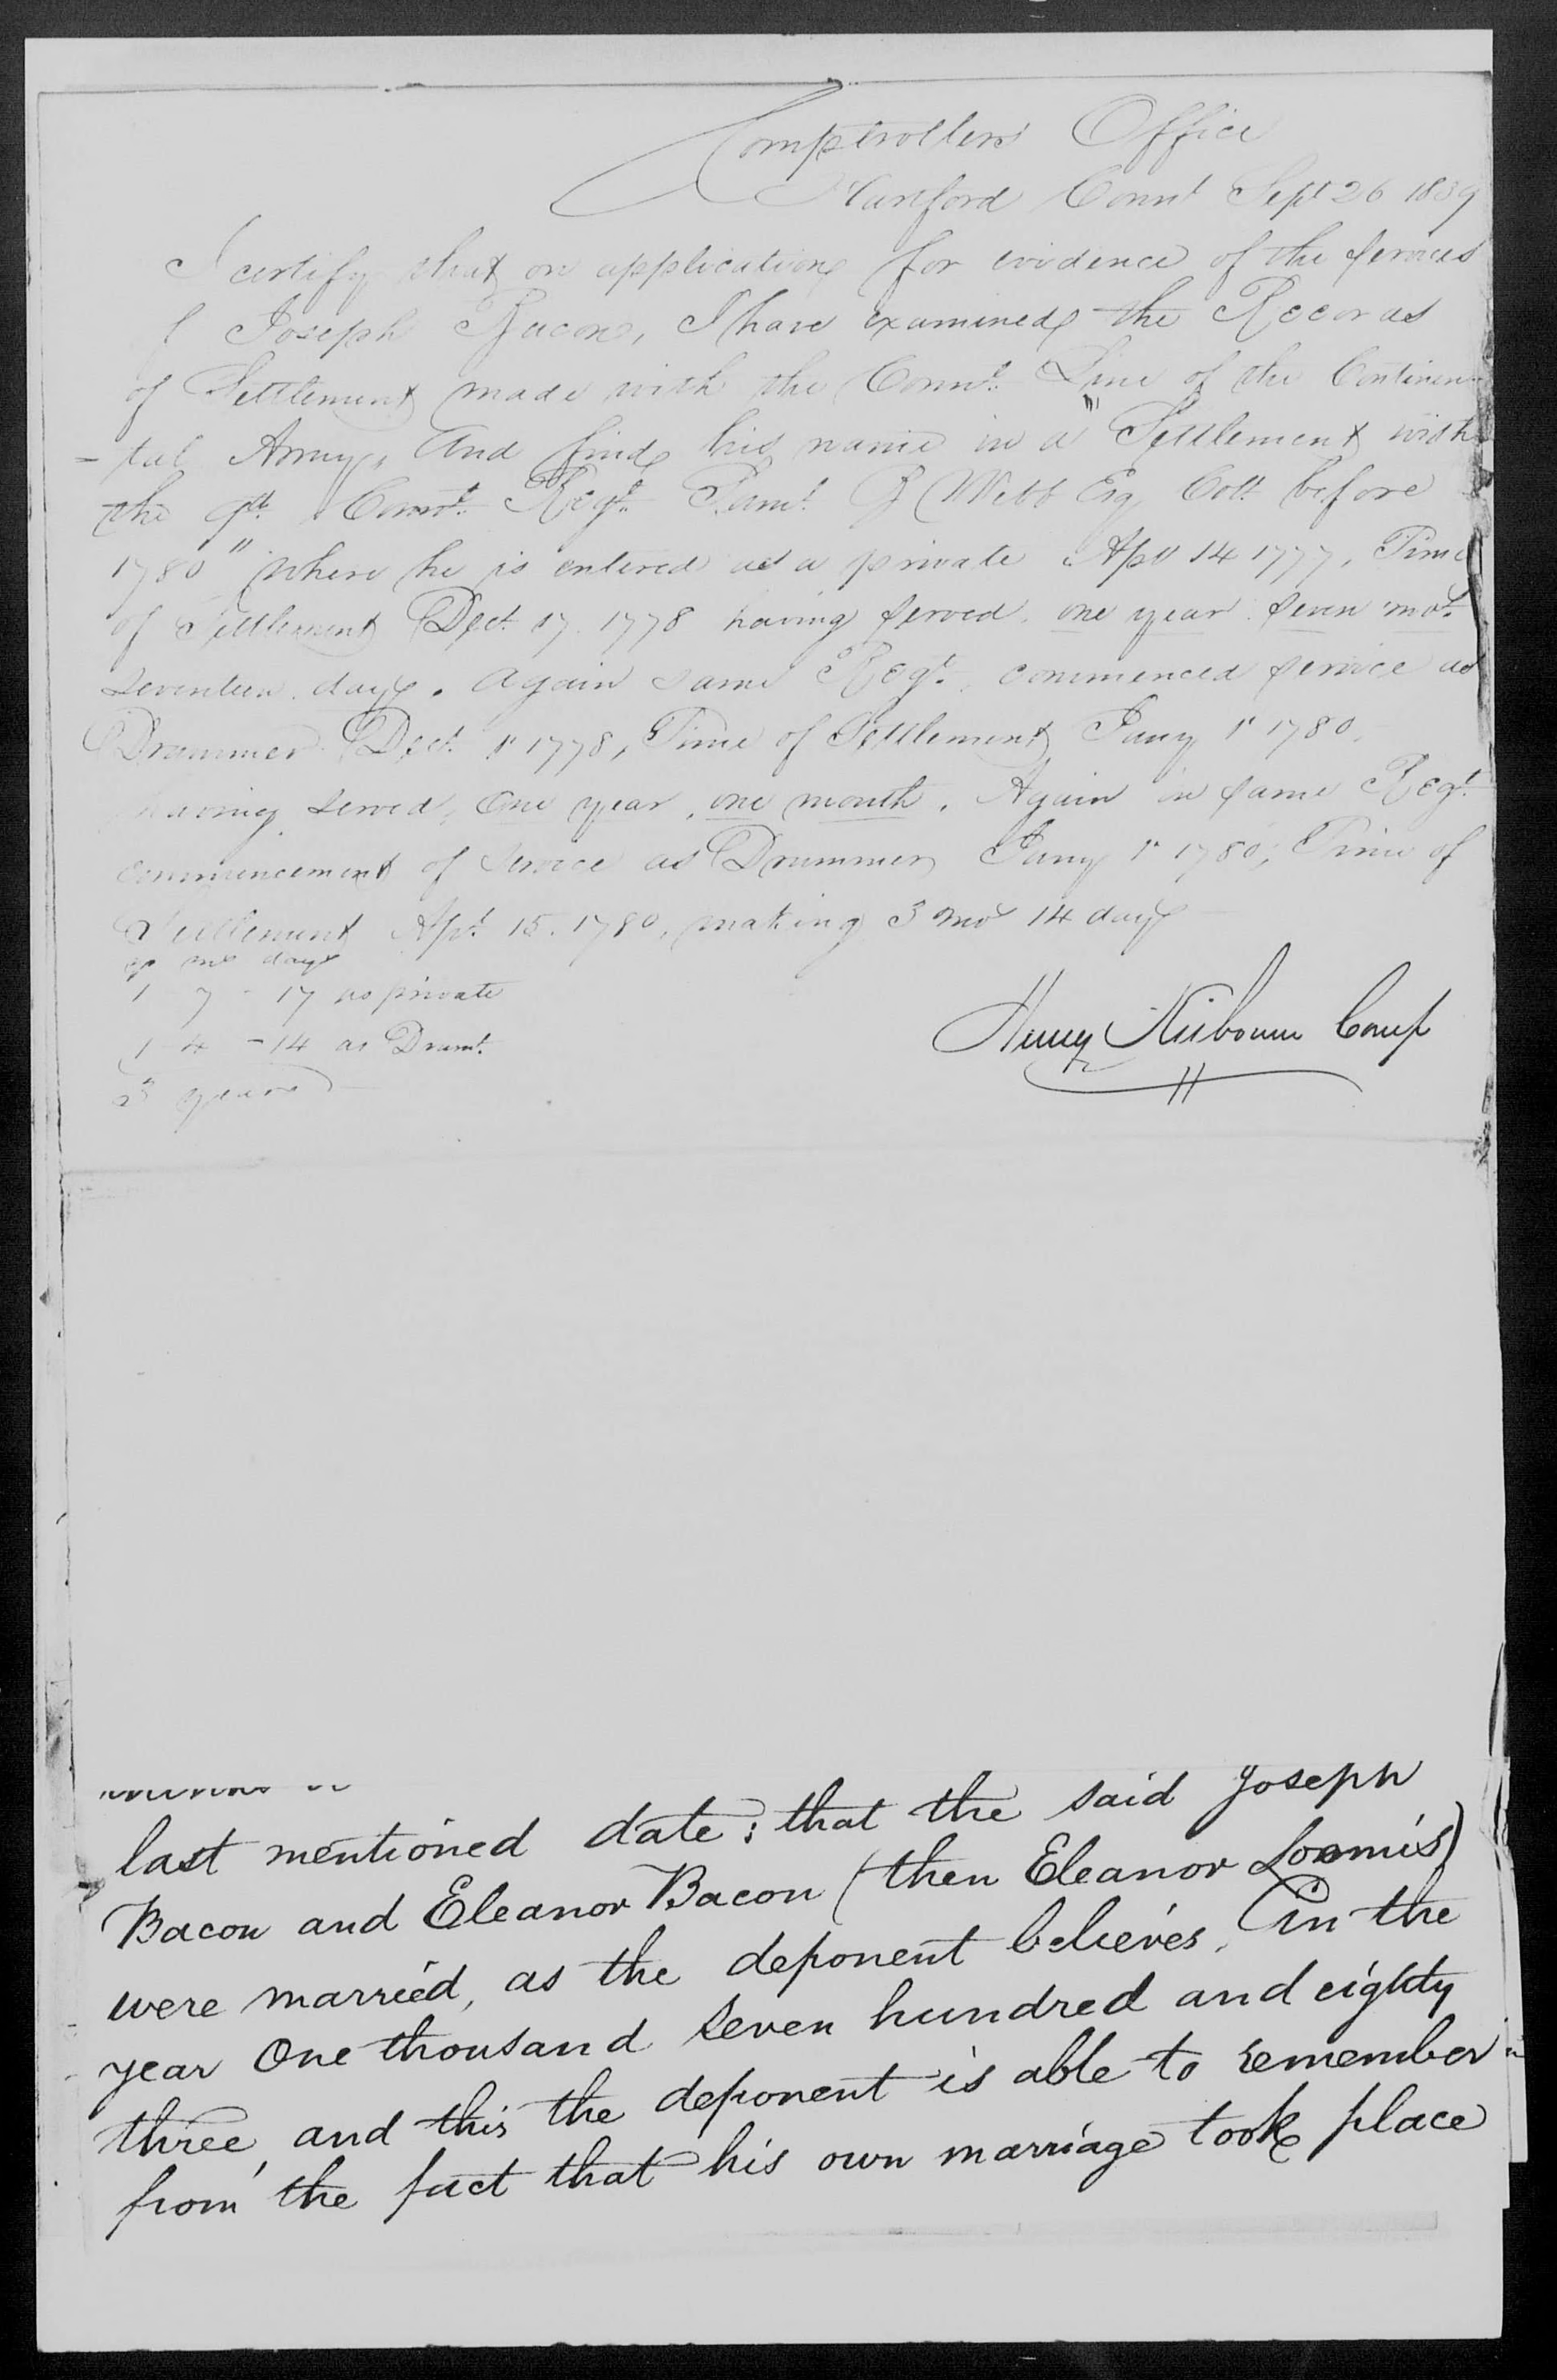"Comptrollers Office
Hartford Connecticut, September 26, 1839

I certify that an application for evidence of the finances of Joseph Bacon, I have examined the Records of Settlement made with the Connecticut Line of the Continental Army, And find his name is a Settlement with the 9th Connecticut Regiment  Samuel B. Webb Esq, Colonel, before 1780 where he is entered as a private April 14, 1777. Time of Settlement December 17, 1778 having service one year, seven months, seventeen days. Again same Regiment commenced service as Drummer, December 1, 1778, Time of Settlement January 1, 1780 having served one year, one month. Again in same Regiment commencement of Service as Drummer January 1, 1780, Time of Settlement April 15, 1780 making 3 months 14 days of and days
1 (yr) - 7 (mos.) 17 (days) as private 
1 (yr) - 4 (mos.) -14 (days) as Drummer
(Total of) 3 years

(Signed) Henry Kilbourn, Comptroller

[The bottom of this page is from the bottom of the next page, 6. It appears this page was shorted than 6.]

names: Eleanor Loomis, Joseph Bacon, Eleanor Bacon, Henry Kilbourn, Joseph Bacon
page: 5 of 24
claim: widow's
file: W. 25190, Joseph Bacon, Continental (Conn)